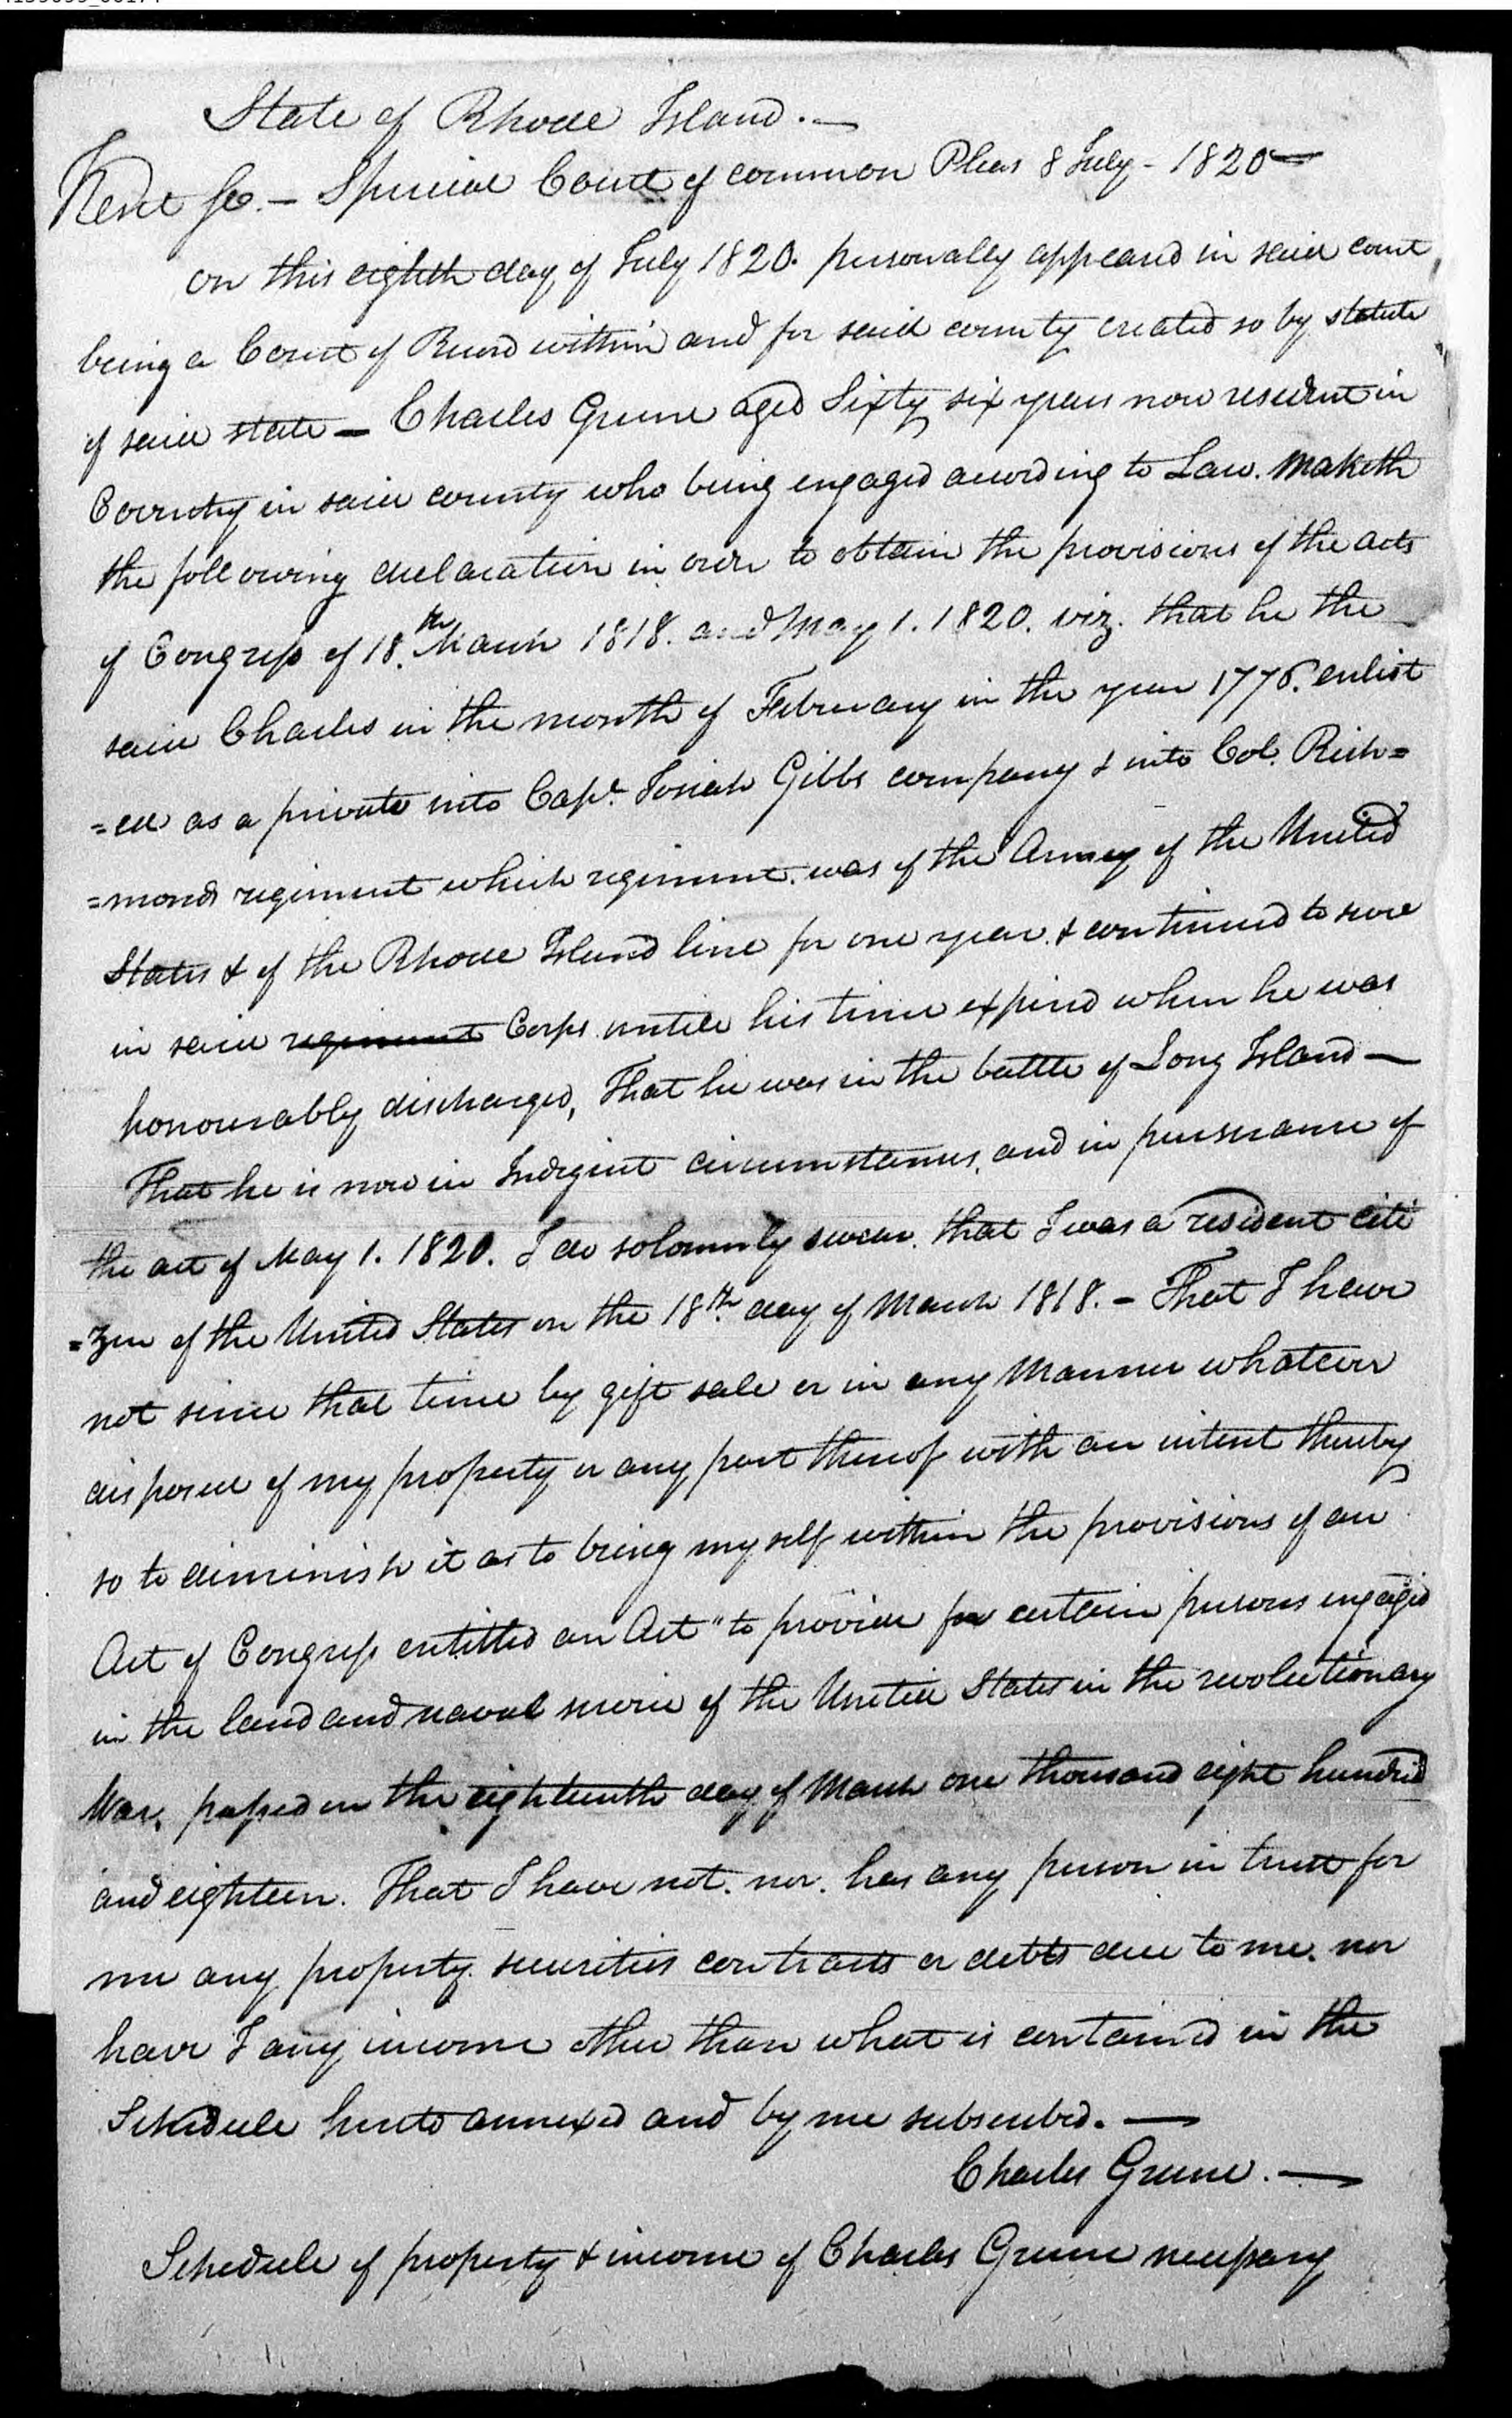State of Rhode Island -
Kent Co - Special Court of common Pleas 8 July 1820 -
On this eighth day of July 1820 personally appeared in said court being a Court of record written and for said county created so by statutes of said state - Charles Greene aged Sixty six years now resident in Coventry in said county who being engaged according to Law Maketh the following declaration in order to obtain the provisions of the acts of Congress of 18th March 1818 and May 1 1820 viz that he the said Charles in the month of February in the year 1776 enlisted as a private into Capt. Josiah Gibbs company and into Col. Richmond regiment which regiment was of the Army of the United States & of the Rhode Island line for one year & continued to serve in said Corps until his time expired when he was honourably discharged, that he was in the battle of Long Island - That he is now in Indigent Circumstances, and in pursuance of the Act of May 1. 1820. I do solomenly swear that I was a resident citizen of the United States on the 18th day of March 1818. - That I have not since that time by gift sale or in any Manner whatever dispersed my property in any part therof with any intent therby to dismiss it as to bring myself within the provisions of an Act of Congress entitled an Act "to provision for certain persons engaged in the land and naval service of the United States in the revolutionary War, passed on the eighteenth day of March one thousand eight hundred and eighteen. That I have not. nor. has any person in trust for me any property securities contents or debts due to me nor have I any income other than what is contained in the schedule hereto annexed and by me subscribed. - Charles Greene - 
Schedule of property & income of Charles Greene necessary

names: Charles Greene, Charles Greene, Charles, Charles Greene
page: 3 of 20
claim: survivor's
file: S. 38755, Charles Greene, R.I.